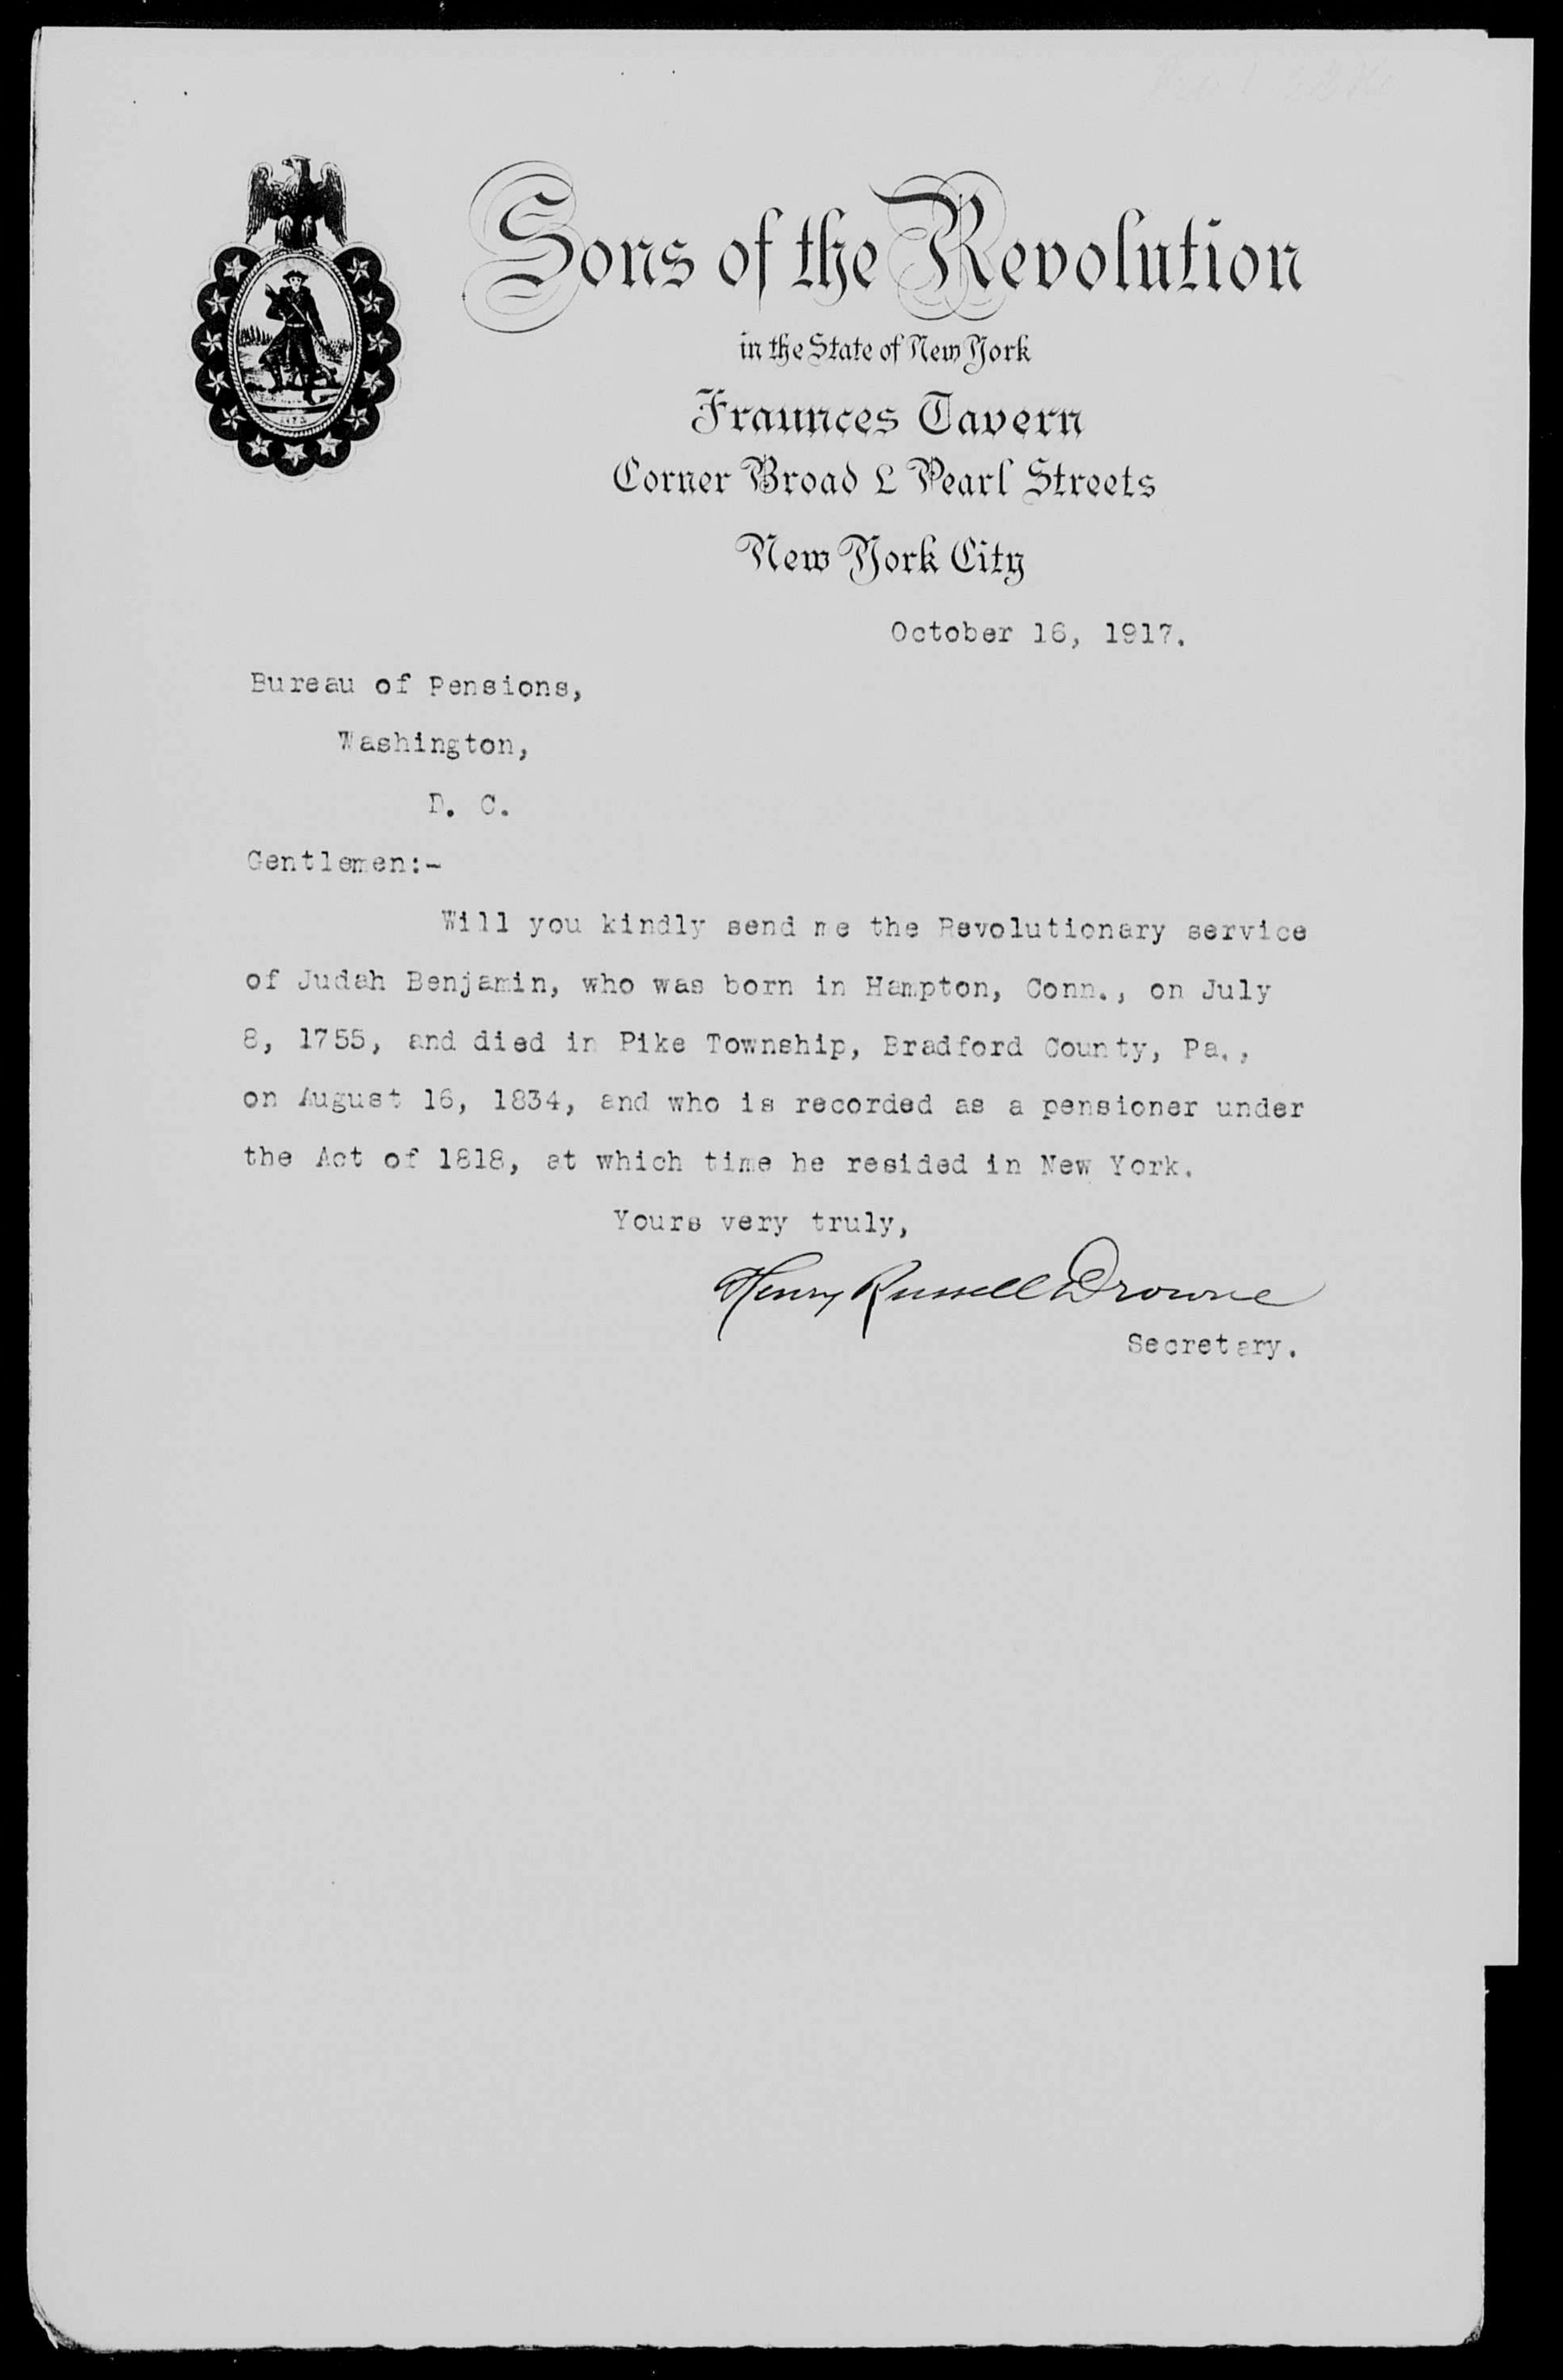Sons of the Revolution
in the State of New York
Frannces Tavern
Corner Broad & Pearl Street
New York City
October 16, 1917,

Bureau of Pensions,
Washington, D. C.

Gentlemen: --
Will you kindly send me the Revolutionary service of Judah Benjamin, who was born in Hampton, Conn., on July 8, 1755, and died in Pike Township, Bradford County, Pa., on August 16, 1834, and who is recorded as a pensioner under the Act of 1818, at which time he resided in New York.
Yours very truly,
[signed] Henry Russell Drowne
Secretary.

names: Judah Benjamin, Henry Russell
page: 23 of 34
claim: survivor's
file: S. 39981, Judah Benjamin, Continental (N. H. And N. Y.)